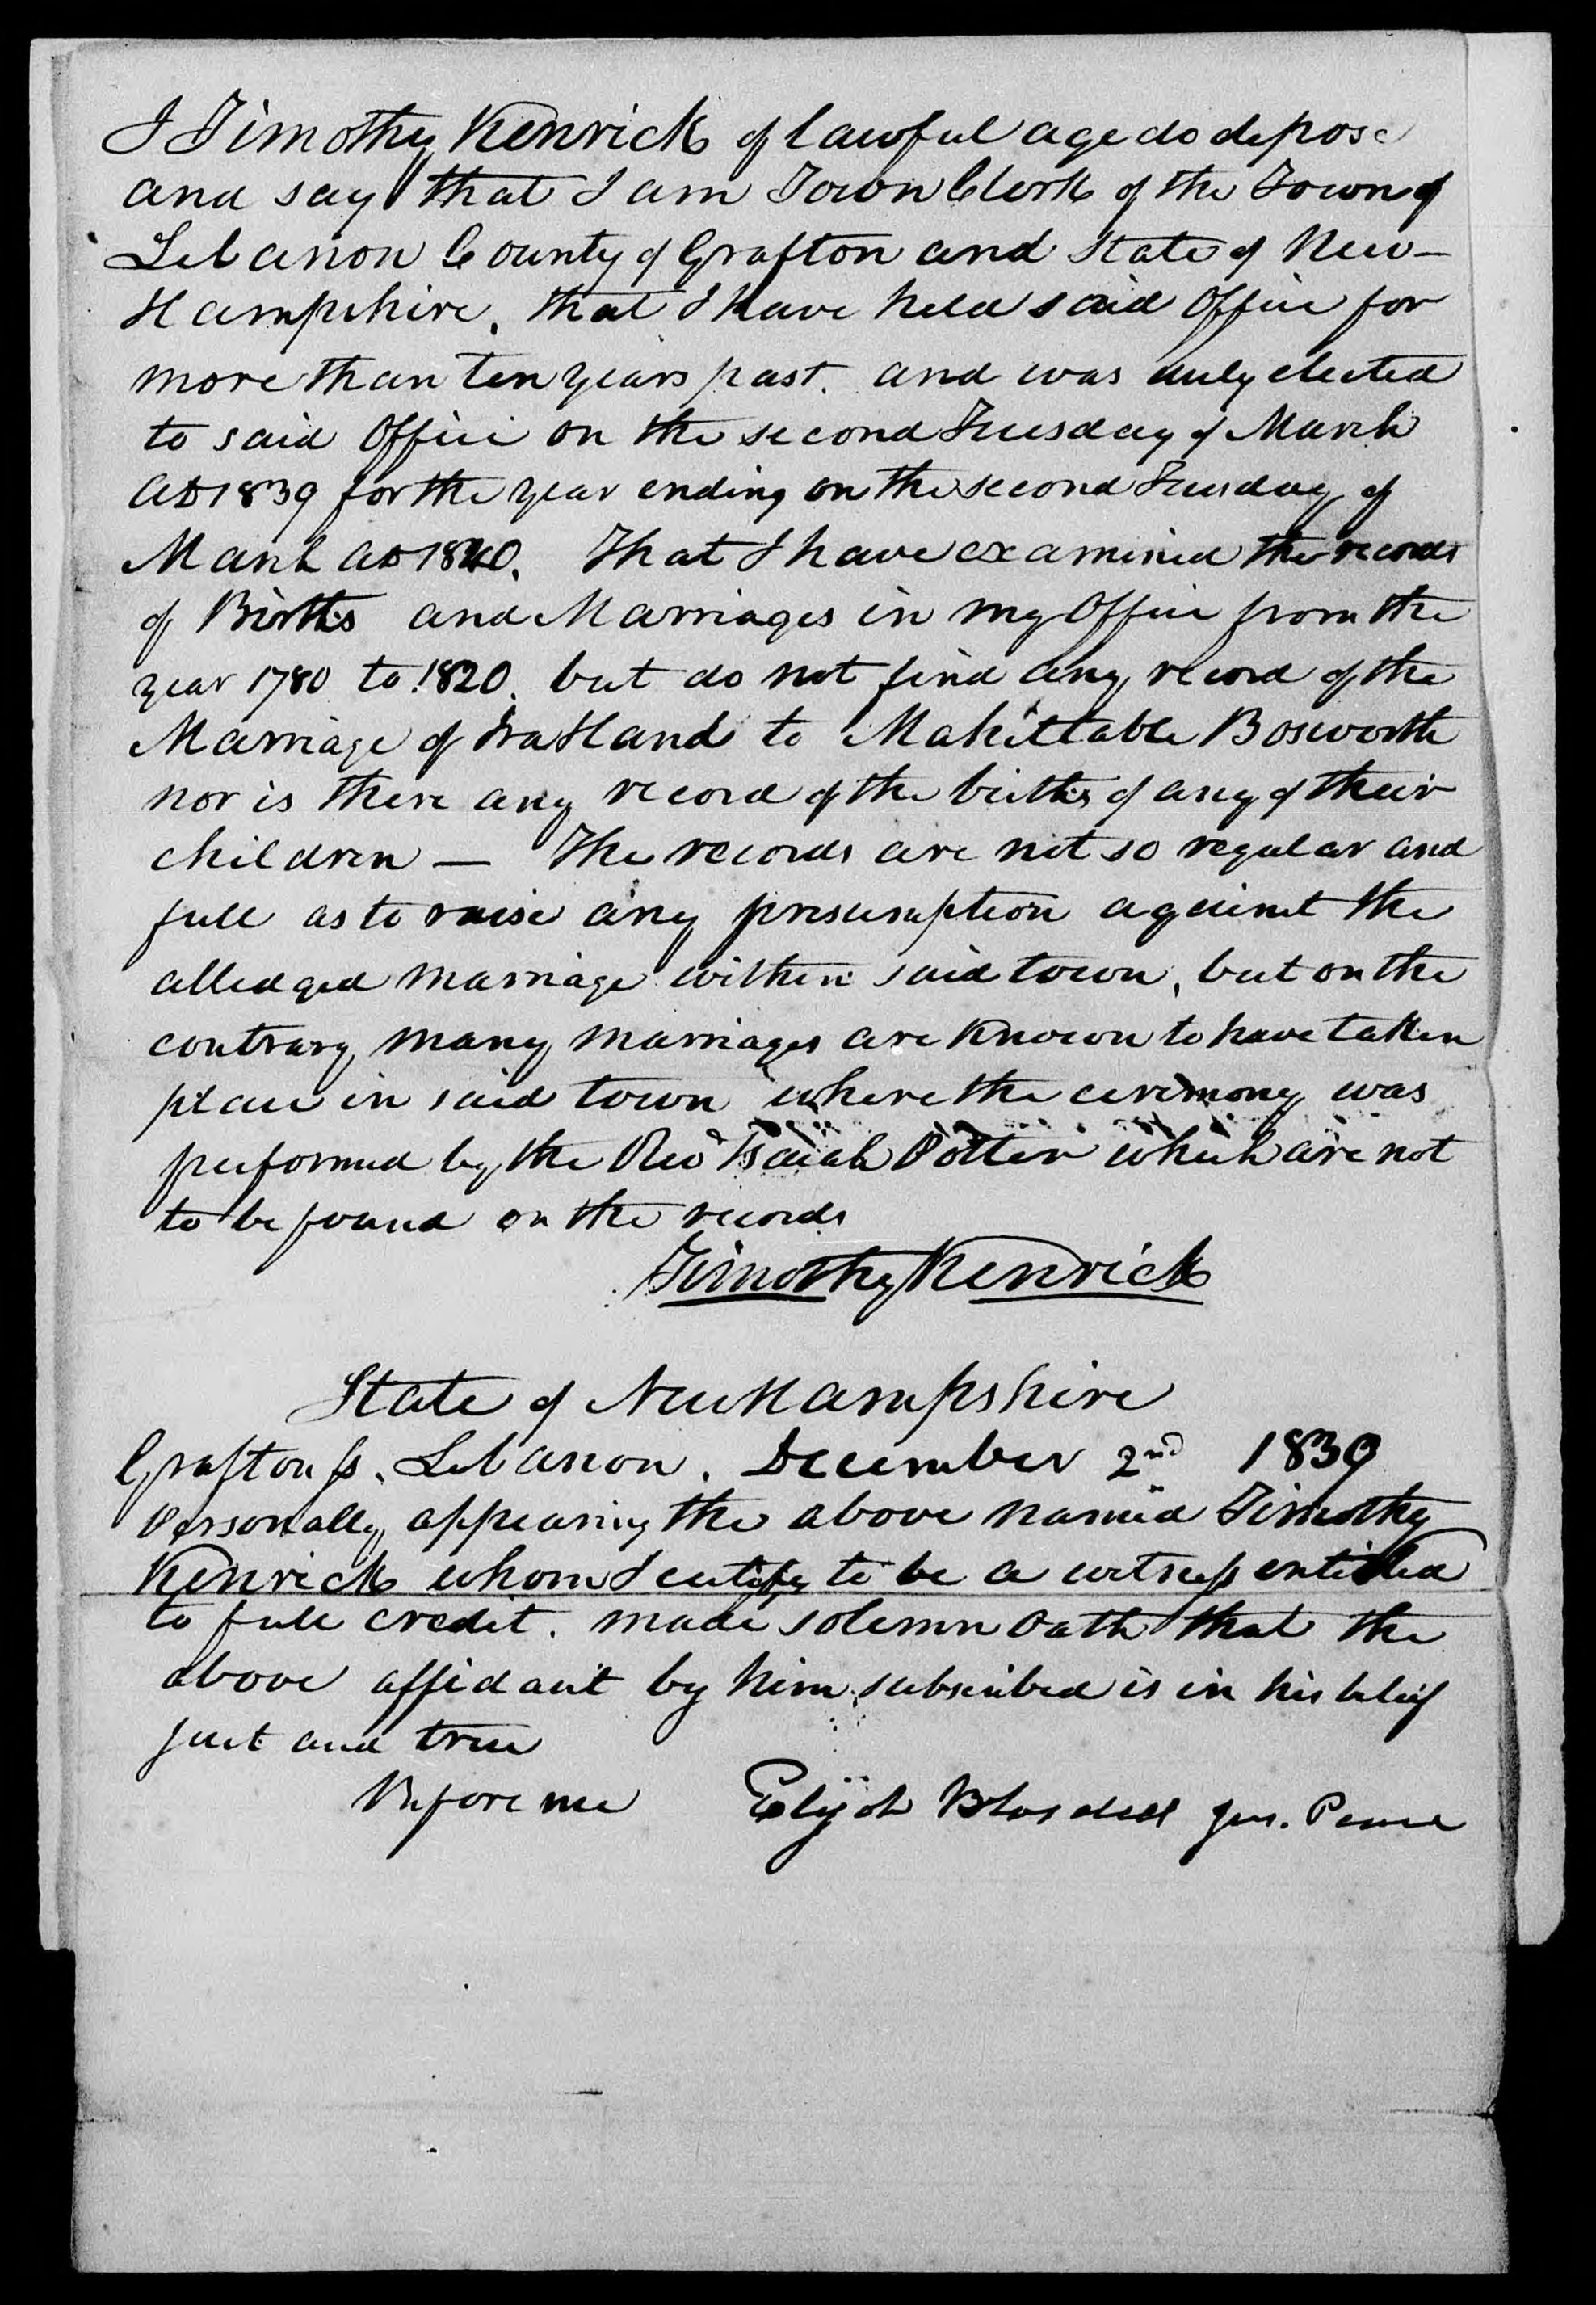I Timothy Kenrick of lawful age do depose
and say that I am Town Clerk of the Town of
Lebanon County of Grafton and State of New
Hampshire, that I have held said Office for
more than ten years past, and was duly elected
to said Office on the second Tuesday of March
AD 1839 for the year ending on the second Sunday of
March AD 1840. That I have examined the records
of Births and Marriages in my office from the
year 1780 to 1820, but do not find any record of the
Marriage of Galland to Mehitable Bosworth
nor is there any record of the births of any of their
children - The records are not so regular and
full as to raise any presumption against the
alleged marriage within said town, but on the
contrary many marriages are known to have taken
place in said town where the ceremony was
of
performed by the Rev Sarah Potter which are not
to be found on the records
Timothy Kenrick before
me
State of New Hampshire
Grafton ss Lebanon December 2nd
1839
Personally, appearing the above-named Timothy
Kenrick whom I certify to be a witness entitled
to full credit, made solemn oath that the
above affidavit by him subscribed is in his belief
just and true
Elijah Blondel Jus. Peace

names: Elijoh Blasdell, Timothy Kenrick, Ira Hand, Timothy Kenrick, Timothy Kenrick, Mahittable Bosworth, Isaiah Potter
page: 35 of 42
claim: widow's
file: W. 19,722, Ira Hand, N.H. Vt.